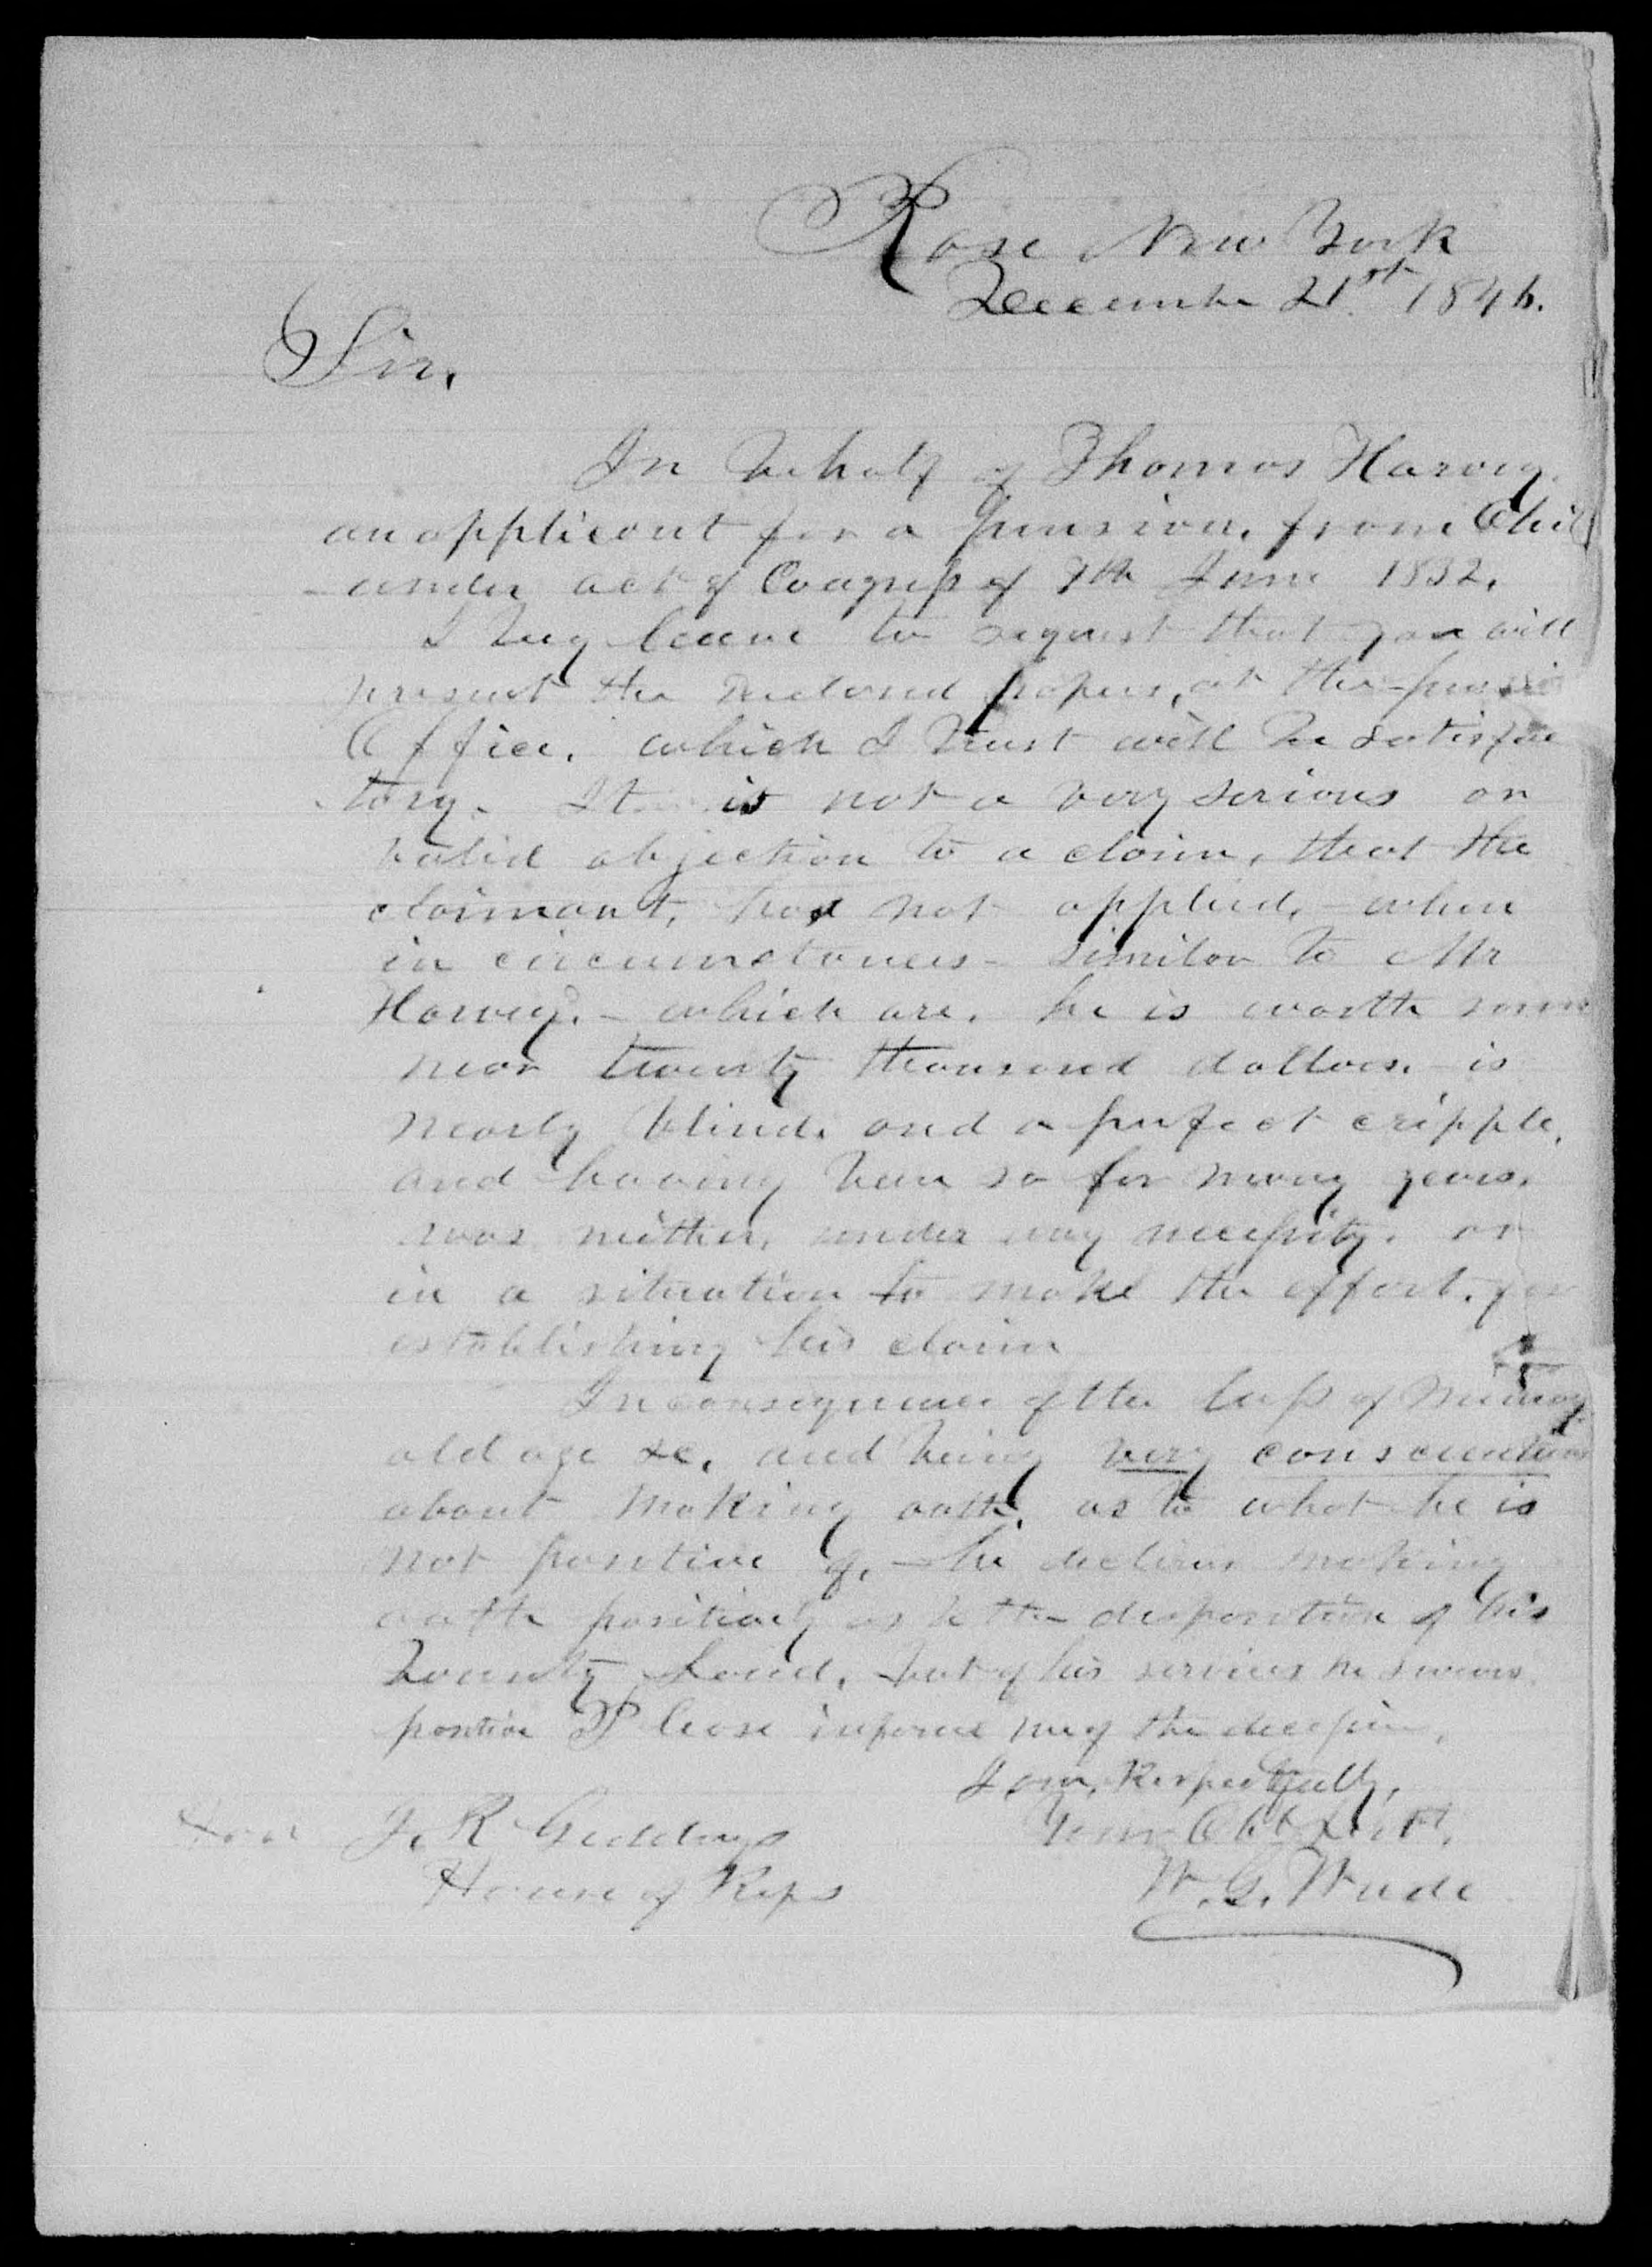[handwritten letter]
Rose New York
December 21st 1846. 

Sir,
In behalf of Thomas Harvey, an applicant for a pension, from Ohio under act of Congress of 7th June 1832. 
I beg leave to request that you will present the enclosed papers, at the pension Office, which I trust will be satisfactory. It is not a very serious or valid objection to a claim, that the claimant, had not applied, where in circumstances - similar to Mr. Harvey's which are, he is worth some near twenty thousand dollars, is nearly blind and a perfect cripple, and having been so for many years, was neither, under any necessity, or in a situation to make the effort, for establishing his claim. 
In consequence of the loss of memory old age &c, and being very conscientious about making oath as to what he is not positive of, he declines making oath positively as to the dis position of his Twenty thous'd but of his services he swears positive. Please inform me of the decision.
I am, Respectfully, Your Obt Serv't
/s/W. G. Wade
J. R. Giddings House of Reps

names: J R Giddings, Harvey, Thomas Harvey, W G Wade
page: 47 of 80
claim: survivor's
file: S. 18008, Thomas Harvey, N.H.